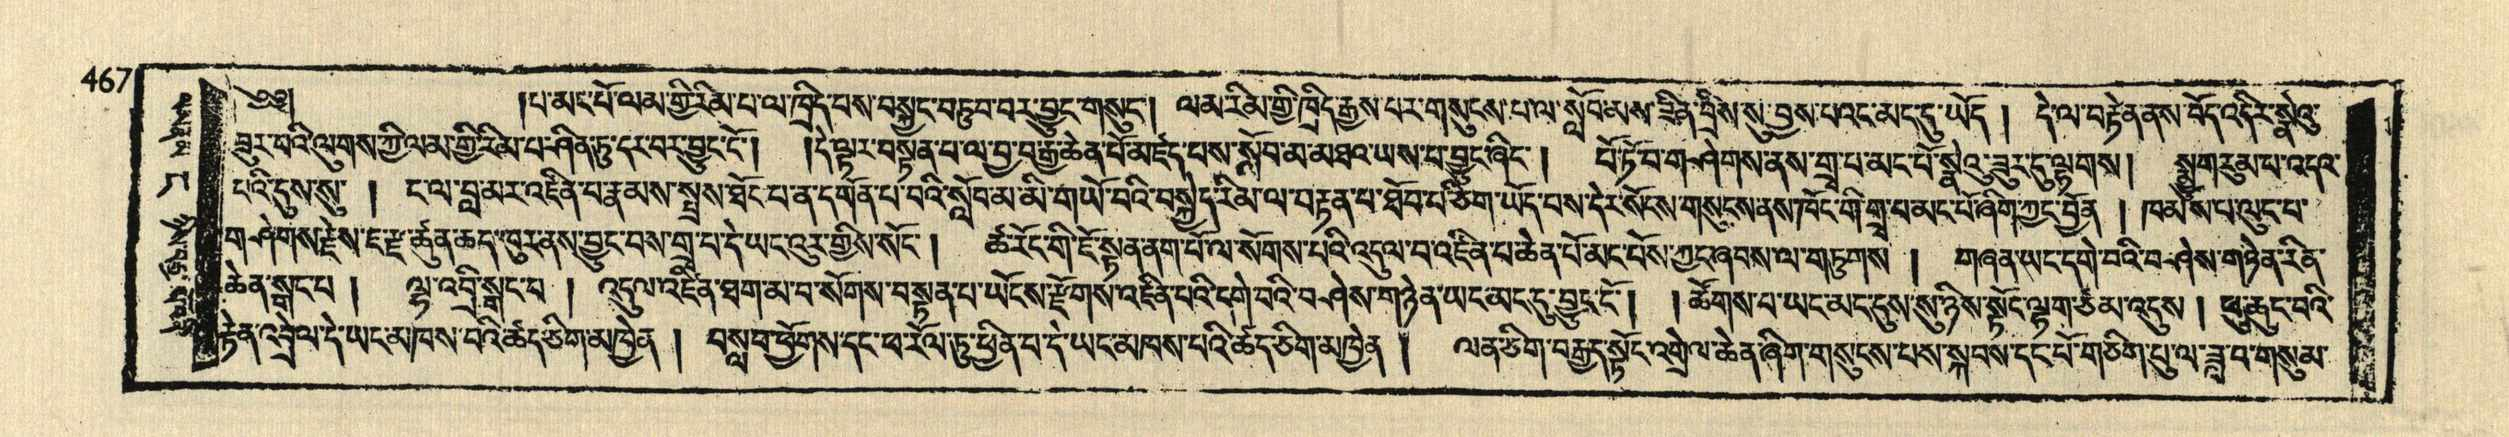༄༅། །པ་མང་པོ་ལམ་གྱི་རིམ་པ་ལ་ཁྲིད་པས་བསྐྱང་བཏུབ་བར་བྱུང་གསུང་། ལམ་རིམ་གྱི་ཁྲིད་རྒྱས་པར་གསུངས་པ་ལ་སློབ་མས་ཟིན་བྲིས་སུ་བྱས་པའང་མང་དུ་ཡོད། དེ་ལ་བརྟེན་ནས་བོད་འདིར་སྣེའུ་
ཟུར་པའི་ལུགས་ཀྱི་ལམ་གྱི་རིམ་པ་ཤིན་ཏུ་དར་བར་བྱུང་ངོ། །དེ་ལྟར་བསྟན་པ་ལ་བྱ་བ་རྒྱ་ཆེན་པོ་མཛད་པས་སློབ་མ་མཐའ་ཡས་པ་བྱུང་ཞིང་། པོ་ཏོ་བ་གཤེགས་ནས་གྲྭ་པ་མང་པོ་སྣེའུ་ཟུར་དུ་ལྷགས། སྨྱུག་རུམ་པ་འདའ་
པའི་དུས་སུ། ང་ལ་བླ་མར་འཛིན་པ་རྣམས་སྤྲས་ཐོང་པ་ན་དགོན་པ་བའི་སློབ་མ་མི་གཡོ་བའི་བསྐྱེད་རིམ་ལ་བརྟན་པ་ཐོབ་པ་ཅིག་ཡོད་པས་དེར་སོངས་གསུངས་ནས་ཁོང་གི་གྲྭ་པ་མང་པོ་ཞིག་ཀྱང་བྱོན། ཁམས་པ་ལུང་པ་
གཤེགས་རྗེས་ཇ་རྫ་ཚུན་ཆད་ཁུར་ནས་བྱུང་བས་གྲྭ་པ་དེ་ཡང་འུར་གྱིས་སོང་། ཚ་རོང་གི་ཇོ་སྟན་ནག་པོ་ལ་སོགས་པའི་འདུལ་བ་འཛིན་པ་ཆེན་པོ་མང་པོས་ཀྱང་ཞབས་ལ་གཏུགས། གཞན་ཡང་དགེ་བའི་བཤེས་གཉེན་རིན་
ཆེན་སྒང་པ། ལྷ་འབྲི་སྒང་པ། འདུལ་འཛིན་ཐག་མ་བ་སོགས་བསྟན་པ་ཡོངས་རྫོགས་འཛིན་པའི་དགེ་བའི་བཤེས་གཉེན་ཡང་མང་དུ་བྱུང་ངོ། །ཚོགས་པ་ཡང་མང་དུས་སུ་ཉིས་སྟོང་ལྷག་ཙམ་འདུས། ཕུ་ཆུང་བའི་
རྟེན་འབྲེལ་དེ་ཡང་མཁས་བའི་ཚད་ཅིག་མཁྱེན། བསླབ་ཕྱོགས་དང་ཕ་རོལ་ཏུ་ཕྱིན་པ་དེ་ཡང་མཁས་པའི་ཚད་ཅིག་མཁྱེན། ལན་ཅིག་བརྒྱད་སྟོང་འགྲེལ་ཆེན་ཞིག་གསུངས་པས་སྐབས་དང་པོ་གཅིག་པུ་ལ་ཟླ་བ་གསུམ་